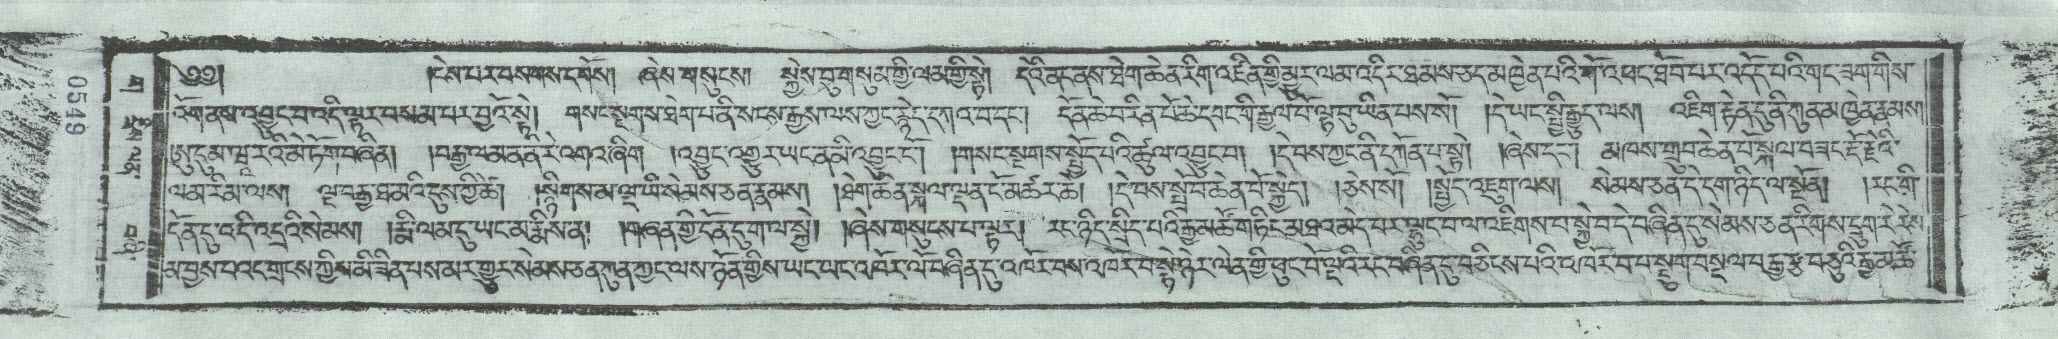༄༅། །ངེས་པར་བསགས་དགོས། ཞེས་གསུངས། སྐྱེས་བུ་གསུམ་གྱི་ལམ་གྱི་སྟེ། དེའི་ནང་ནས་ཐེག་ཆེན་རིག་འཛིན་གྱི་མྱུར་ལམ་འདིར་ཐམས་ཅད་མཁྱེན་པའི་གོ་འཕང་ཐོབ་པར་འདོད་པའི་གང་ཟག་གིས་
འོག་ནས་འབྱུང་བ་འདི་ལྟར་བསམ་པར་བྱའོ་སྟེ། གསང་སྔགས་ཐེག་པ་ནི་སངས་རྒྱས་ལས་ཀྱང་རྙེད་དཀའ་བ་དང་། དོན་ཆེ་བ་རིན་པོ་ཆེ་དབང་གི་རྒྱལ་པོ་ལྟ་བུ་ཡིན་པས་སོ། །དེ་ཡང་སྤྱི་རྒྱུད་ལས། འཇིག་རྟེན་དུ་ནི་ཀུན་མཁྱེན་རྣམས་
ཨུ་དུམ་ཝཱ་རའི་མེ་ཏོག་བཞིན། །བརྒྱ་ལམ་ན་ནི་རེ་འགའ་ཞིག །འབྱུང་འགྱུར་ཡང་ན་མི་འབྱུང་ངོ། །གསང་སྔགས་སྤྱོད་པའི་ཚུལ་འབྱུང་བ། །དེ་བས་ཀྱང་ནི་དཀོན་པ་སྟེ། །ཞེས་དང་། མཁས་གྲུབ་ཆེན་པོ་སྐལ་བཟང་རྡོ་རྗེའི་
ལམ་རིམ་ལས། ལྔ་བརྒྱ་ཐ་མའི་དུས་ཀྱི་ཚེ། །སྙིགས་མ་ལྔ་ཡི་སེམས་ཅན་རྣམས། །ཐེག་ཆེན་སྐལ་ལྡན་ངོ་མཚར་ཆེ། །དེ་བས་སྤྲོ་བ་ཆེན་པོ་སྐྱེད། །ཅེས་སོ། །སྤྱོད་འཇུག་ལས། སེམས་ཅན་དེ་དག་ཉིད་ལ་སྔོན། །རང་གི་
དོན་དུ་འདི་འདྲའི་སེམས། །རྨི་ལམ་དུ་ཡང་མ་རྨིས་ན། །གཞན་གྱི་དོན་དུ་ག་ལ་སྐྱེ། །ཞེས་གསུངས་པ་ལྟར། རང་ཉིད་སྲིད་པའི་རྒྱ་མཚོ་གཏིང་མཐའ་མེད་པར་ལྷུང་བ་ལ་འཇིགས་པ་སྐྱེ་བ་དེ་བཞིན་དུ་སེམས་ཅན་རིགས་དྲུག་རེ་རེས་
མ་བྱས་པའང་གྲངས་ཀྱིས་མི་ཟིན་པས་མར་གྱུར་སེམས་ཅན་ཀུན་ཀྱང་ལས་ཉོན་གྱིས་ཡང་ཡང་འཁོར་ལོ་བཞིན་དུ་འཁོར་བས་འཁོར་བ་སྟེ་ཉེར་ལེན་གྱི་ཕུང་པོ་ལྔའི་རང་བཞིན་དུ་བཅིངས་པའི་འཁོར་བ་པ་སྡུག་བསྔལ་བརྒྱ་རྩ་བཅུའི་རྒྱ་མཚོ་